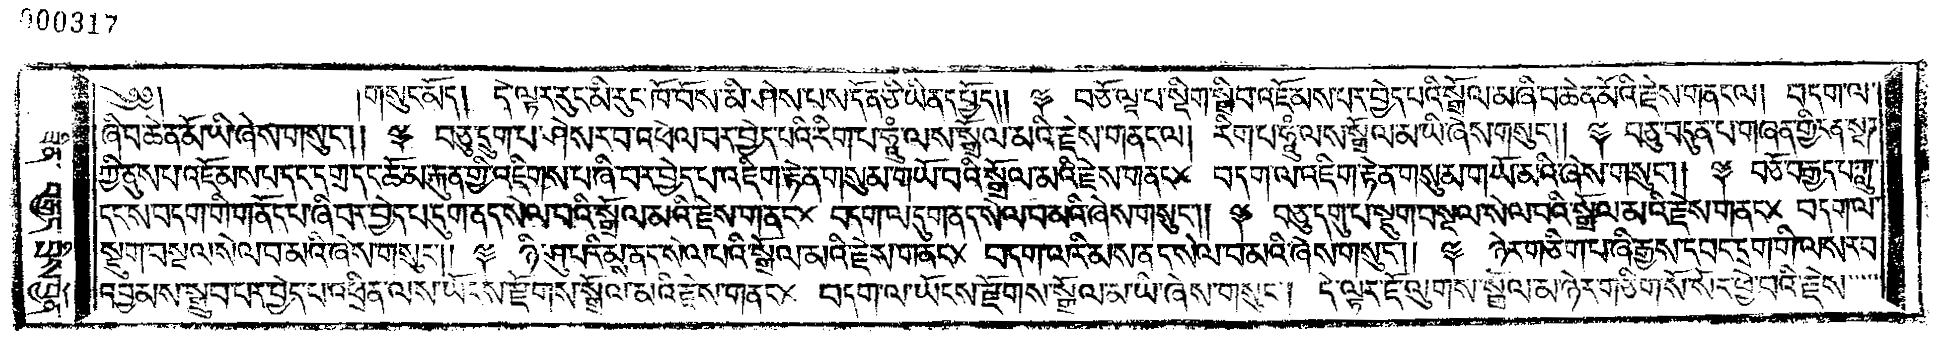༄༅། །གསུང་མོད། དེ་ལྟར་རུང་མི་རུང་ཁོ་བོས་མི་ཤེས་པས་དོན་ཅི་ཡིན་དཔྱོད།། ༈ བཅོ་ལྔ་པ་སྡིག་སྒྲིབ་འཇོམས་པར་བྱེད་པའི་སྒྲོལ་མ་ཞི་བ་ཆེན་མོའི་རྗེས་གནང་ལ། བདག་ལ་
ཞི་བ་ཆེན་མོ་ཡི་ཞེས་གསུང།། ༈ བཅུ་དྲུག་པ་ཤེས་རབ་འཕེལ་བར་བྱེད་པའི་རིག་པ་ཧཱུཾ་ལས་སྒྲོལ་མའི་རྗེས་གནང་ལ། རིག་པ་ཧཱུཾ་ལས་སྒྲོལ་མ་ཡི་ཞེས་གསུང།། ༈ བཅུ་བདུན་པ་གཞན་གྱི་ངན་སྔགས་
ཀྱི་ནུས་པ་འཇོམས་པ་དང་དགྲ་དང་ཆོམ་རྐུན་གྱི་འཇིགས་པ་ཞི་བར་བྱེད་པ་འཇིག་རྟེན་གསུམ་གཡོ་བའི་སྒྲོལ་མའི་རྗེས་གནང྾་བདག་ལ་འཇིག་རྟེན་གསུམ་གཡོ་མའི་ཞེས་གསུང།། ༈ བཅོ་བརྒྱད་པ་ཀླུ་
དང་ས་བདག་གི་གནོད་པ་ཞི་བར་བྱེད་པ་དུག་ནད་སེལ་བའི་སྒྲོལ་མའི་རྗེས་གནང྾་བདག་ལ་དུག་ནད་སེལ་བ་མའི་ཞེས་གསུང།། ༈ བཅུ་དགུ་པ་སྡུག་བསྔལ་སེལ་བའི་སྒྲོལ་མའི་རྗེས་གནང྾་བདག་ལ་
སྡུག་བསྔལ་སེལ་བ་མའི་ཞེས་གསུང།། ༈ ཉི་ཤུ་པ་རིམས་ནད་སེལ་བའི་སྒྲོལ་མའི་རྗེས་གནང྾་བདག་ལ་རིམས་ནད་སེལ་བ་མའི་ཞེས་གསུང།། ༈ ཉེར་གཅིག་པ་ཞི་རྒྱས་དབང་དྲག་གི་ལས་རབ་
འབྱམས་སྒྲུབ་པར་བྱེད་པ་འཕྲིན་ལས་ཡོངས་རྫོགས་སྒྲོལ་མའི་རྗེས་གནང྾་བདག་ལ་ཡོངས་རྫོགས་སྒྲོལ་མ་ཡི་ཞེས་གསུང་། དེ་ལྟར་ཇོ་ལུགས་སྒྲོལ་མ་ཉེར་གཅིག་སོ་སོར་ཕྱེ་བའི་རྗེས་